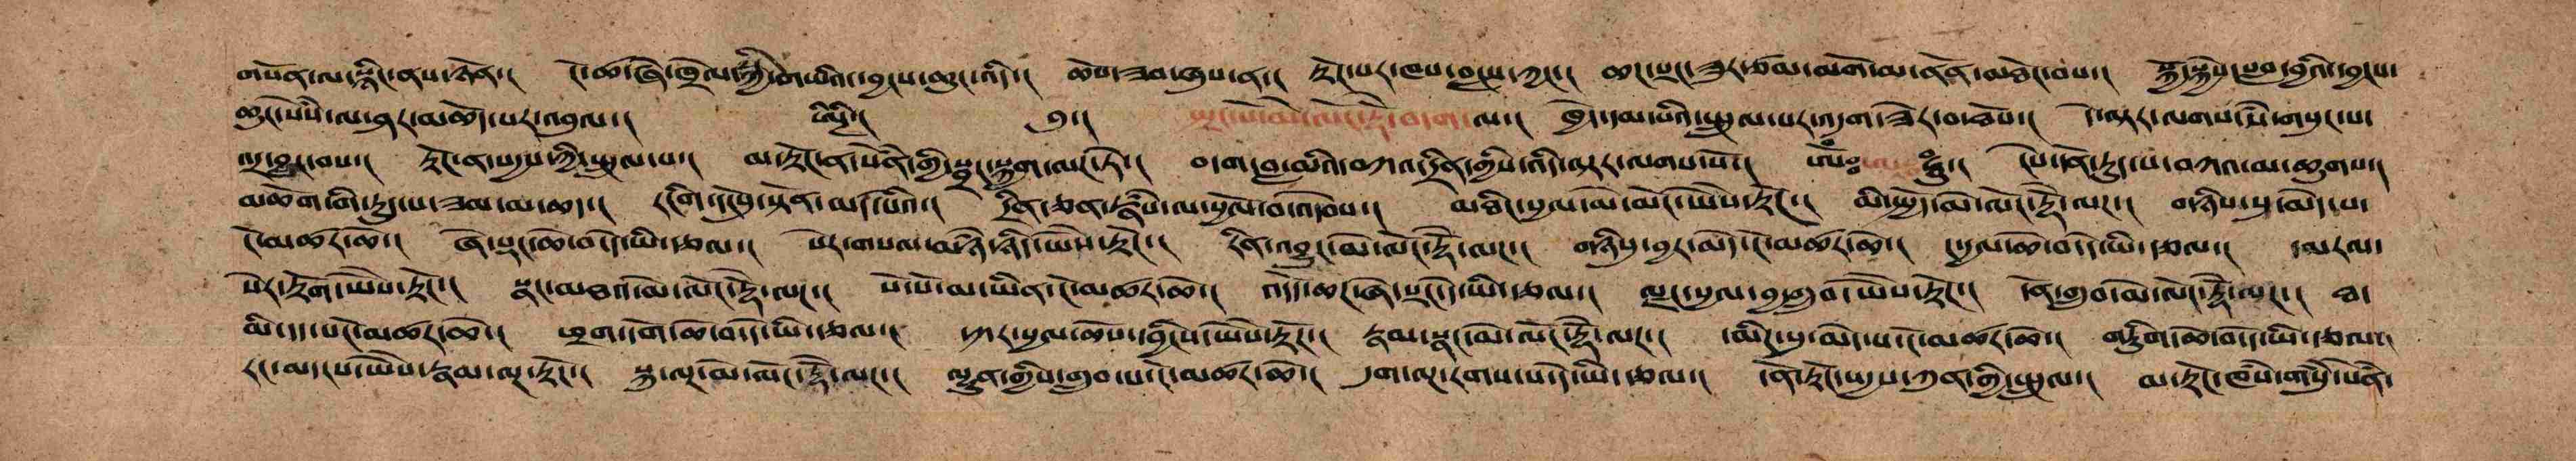གསོན་ལ་སྙིང་ནས་ཉོན།། ངོ་ཚ་ཞེ་ཁྲེལ་སྐྱི་གཡའི་དབྱངས་ཆུང་འདི།། ཆོས་ཟབ་ཞུས་ན།། རྟོགས་པར་ཁས་བླངས་ཀྱང་།། ཆགས་སྡང་ཟུར་ཙམ་མགོ་མ་ནོན་མཐོང་བས།། སྐྱོ་སྐྱེས་བསླབ་བྱའི་དབྱངས་
ཆུང་སེམས་ལ་ཤར་མཆོད་པར་འབུལ།། ཨིཊི།། ༄་། སྤྲང་པོ་མེ་ལོང་རྡོ་རྗེ་བདག་ལ།། ཁྱོད་དམ་པའི་སྤྲུལ་པར་འདུག་ཟེར་བ་ཐོས།། དེ་ལྟར་ལགས་སམ་གསུངས་པ་
འདྲ་བྱུང་བས།། རྟོགས་ན་སངས་རྒྱས་ཀྱི་སྤྲུལ་པ།། མ་རྟོགས་ན་སེམས་ཅན་གྱི་སྦྲང་སྐྱག་ལགས་ཏེ།། བདག་བླ་མའི་བཀའ་དྲིན་གྱིས་འདི་ལྟར་ལགས་སོ།། ཨོཾཿཨཱཿཧཱུཾ། ངེས་དོན་རྒྱུད་པ་བཀའ་མ་ཆུགས།། 
མཆོག་གི་རྒྱུད་པ་ཟམ་མ་ཆད།། རང་རིག་དངོས་སུ་སྟོན་མཛད་པའི།། དྲིན་ཅན་རྣམས་ལ་གསོལ་བ་འདེབས།། མཐིང་གསལ་མེ་ལོང་ཡེ་ཤེས་རྟོགས།། མི་སྤྱོད་མེ་ལོང་རྡོ་རྗེ་ལགས།། གཉིས་སུ་མེད་པ་
ངོ་མཚར་ཆེ།། ཞེ་སྡང་ཆེ་བ་དེ་ཡི་རྩལ།། སོར་གསལ་མཉམ་ཉིད་ཡེ་ཤེས་རྟོགས།། རིན་འབྱུང་མེ་ལོང་རྡོ་རྗེ་ལགས།། གཉིས་སུ་བྱར་མེད་ངོ་མཚར་ཆེ།། ང་རྒྱལ་ཆེ་བ་དེ་ཡི་རྩལ།། དམར་གསལ་
སོར་རྟོག་ཡེ་ཤེས་རྟོགས།། སྣང་མཐའ་མེ་ལོང་རྡོ་རྗེ་ལགས།། སོ་སོ་མ་ཡིན་ངོ་མཚར་ཆེ།། འདོད་ཆགས་ཞེ་སྡང་དེ་ཡི་རྩལ།། ལྗང་གསལ་བྱ་གྲུབ་ཡེ་ཤེས་རྟོགས།། དོན་གྲུབ་མེ་ལོང་རྡོ་རྗེ་ལགས།། ཐ་
མི་དད་པ་ངོ་མཚར་ཆེ།། ཕྲག་དོག་ཆེ་བ་དེ་ཡི་རྩལ།། དཀར་གསལ་ཆོས་དབྱིངས་ཡེ་ཤེས་རྟོགས།། རྣམ་སྣང་མེ་ལོང་རྡོ་རྗེ་ལགས།། དམིགས་སུ་མེད་པ་ངོ་མཚར་ཆེ།། གཏི་མུག་ཆེ་བ་དེ་ཡི་རྩལ།། 
རང་མདངས་ཡེ་ཤེས་རྣམ་ལྔ་རྟོགས།། སྐུ་ལྔ་མེ་ལོང་རྡོ་རྗེ་ལགས།། ལྷུན་གྱིས་གྲུབ་པ་ངོ་མཚར་ཆེ།། དུག་ལྔ་རགས་པ་དེ་ཡི་རྩལ།། དོན་རྟོགས་སངས་རྒྱས་ཀུན་གྱི་སྤྲུལ།། མ་རྟོགས་ཁམས་གསུམ་སེམས་ཅན་